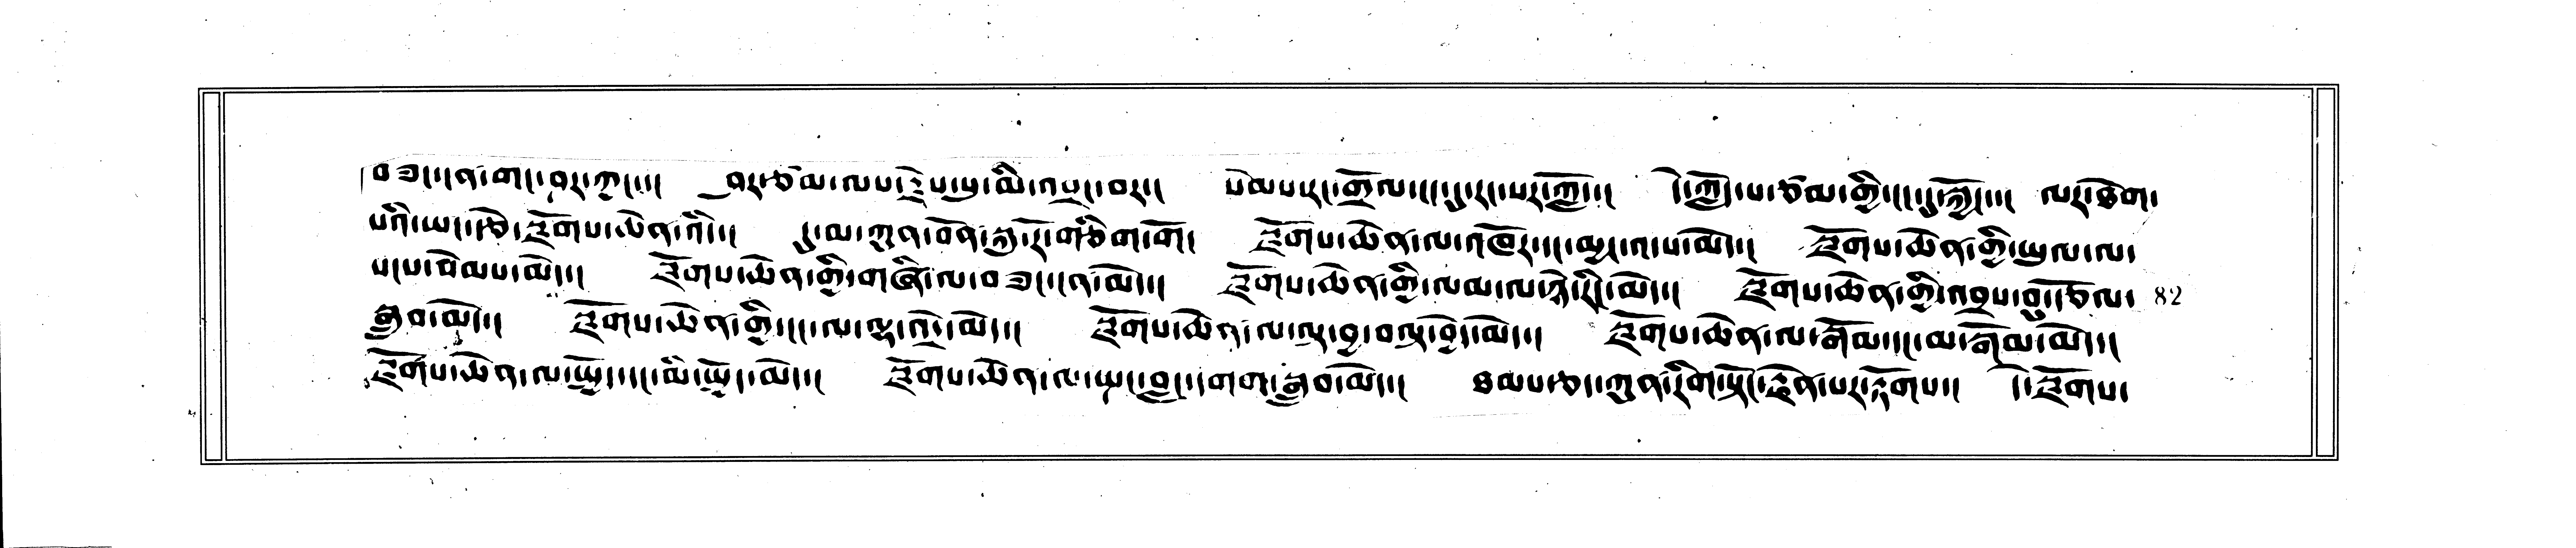བཟང་ངན་གང་ཤར་ཀྱང་། །ཤར་ཙམ་ལས་རྗེས་སུ་མི་འབྲང་བར། །སེམས་རང་གྲོལ་ངང་དུ་རང་སར་ཀློད། །དེ་ཀློད་པ་ཙམ་གྱི་ངང་དུ་སྐྱོངས། །ལར་ཐེག་
པའི་ཡང་རྩེ་རྫོགས་ཆེན་འདི། །དུ་མ་ཀུན་བོན་སྐུ་རོ་གཅིག་གོ །རྫོགས་ཆེན་ལ་འཁོར་དང་མྱང་འདས་མེད། །རྫོགས་ཆེན་གྱི་ཡུལ་ལ་
སངས་སེམས་མེད། །རྫོགས་ཆེན་གྱི་གཞི་ལ་བཟང་ངན་མེད། །རྫོགས་ཆེན་གྱི་ལམ་ལ་ཉེ་རིང་མེད། །རྫོགས་ཆེན་གྱི་འབྲས་བུ་རྩོལ་
སྒྲུབ་མེད། །རྫོགས་ཆེན་གྱི་ངང་ལ་ལྷ་འདྲེ་མེད། །རྫོགས་ཆེན་ལ་བལྟ་བྱ་ལྟ་བྱེད་མེད། །རྫོགས་ཆེན་ལ་སྒོམ་དང་མ་སྒོམ་མེད། །
རྫོགས་ཆེན་ལ་སྤྱོད་དང་མི་སྤྱོད་མེད། །རྫོགས་ཆེན་ལ་སྤང་བླང་དགག་སྒྲུབ་མེད། །ཐམས་ཅད་ཀུན་རིག་སྟོང་རྗེན་པར་རྟོགས། །དེ་རྫོགས་